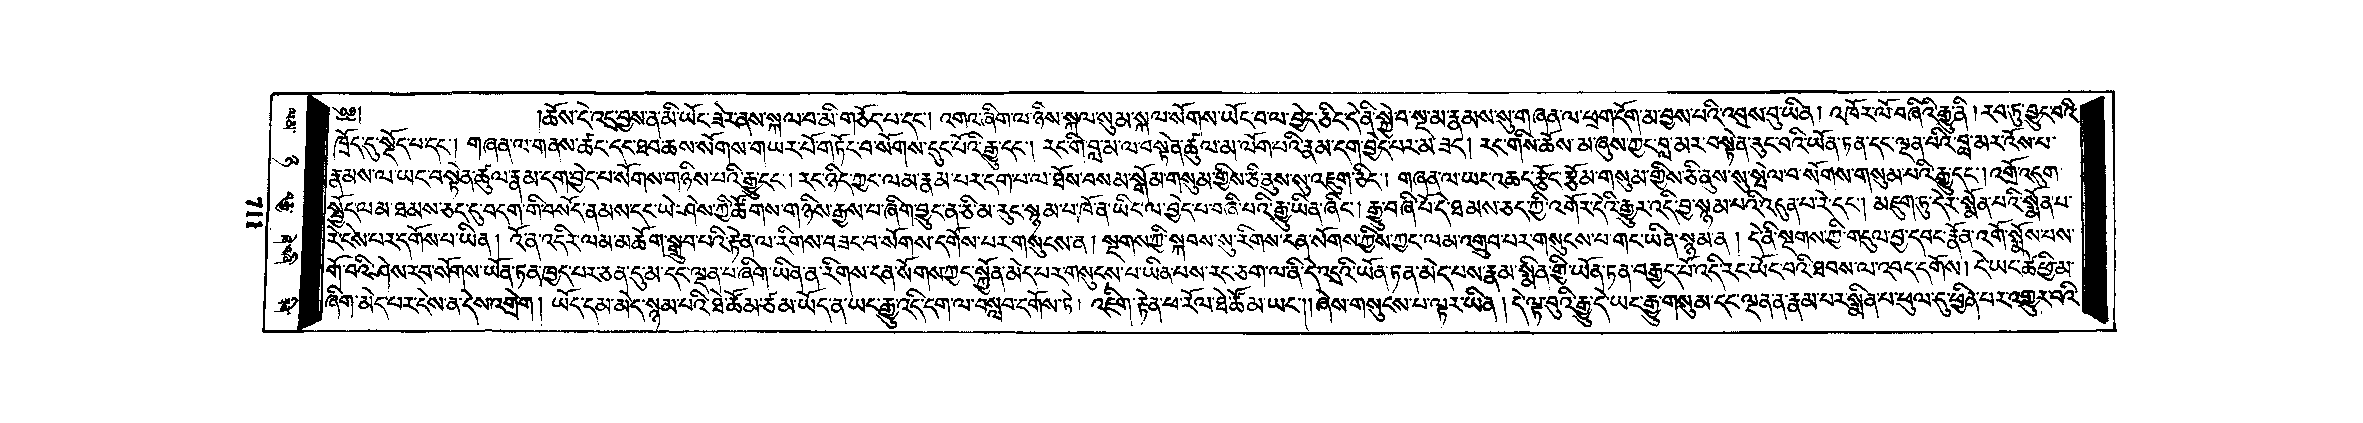༄༅། །ཆོས་དེ་འདྲ་བྱས་ན་མི་ཡོང་ཟེར་ནས་སྐལ་བ་མི་གཅོད་པ་དང་། འགའ་ཞིག་ལ་ཉིས་སྐལ་སུམ་སྐལ་སོགས་ཡོང་བ་ལ་བྱེད་ཅིང་དེ་ནི་སྐྱེ་བ་སྔ་མ་རྣམས་སུ་གཞན་ལ་ཕྲག་དོག་མ་བྱས་པའི་འབྲས་བུ་ཡིན། འཁོར་ལོ་བཞིའི་རྒྱུ་ནི། རབ་ཏུ་བྱུང་བའི་
ཁྲོད་དུ་སྡོད་པ་དང་། གཞན་ལ་གནས་ཚང་དང་ཐབ་ཆས་སོགས་གཡར་པོ་གཏོང་བ་སོགས་དུང་པོའི་རྒྱུ་དང་། རང་གི་བླ་མ་ལ་བསྟེན་ཚུལ་མ་ལོག་པའི་རྣམ་དག་བྱེད་པར་མ་ཟད། རང་གིས་ཆོས་མ་ཞུས་ཀྱང་བླ་མར་བསྟེན་རུང་བའི་ཡོན་ཏན་དང་ལྡན་པའི་བླ་མར་འོས་པ་
རྣམས་ལ་ཡང་བསྟེན་ཚུལ་རྣམ་དག་བྱེད་པ་སོགས་གཉིས་པའི་རྒྱུ་དང་། རང་ཉིད་ཀྱང་ལམ་རྣམ་པར་དག་པ་ལ་ཐོས་བསམ་སྒོམ་གསུམ་གྱིས་ཅི་ནུས་སུ་འཇུག་ཅིང་། གཞན་ལ་ཡང་འཆད་རྩོད་རྩོམ་གསུམ་གྱིས་ཅི་ནུས་སུ་སྤེལ་བ་སོགས་གསུམ་པའི་རྒྱུ་དང་། འགྲོ་འདུག་
སྤྱོད་ལམ་ཐམས་ཅད་དུ་བདག་གི་བསོད་ནམས་དང་ཡེ་ཤེས་ཀྱི་ཚོགས་གཉིས་རྒྱས་པ་ཞིག་བྱུང་ན་ཅི་མ་རུང་སྙམ་པ་ཁོ་ན་ཡིད་ལ་བྱེད་པ་བཞི་པའི་རྒྱུ་ཡིན་ཞིང་། རྒྱུ་བཞི་པོ་དེ་ཐམས་ཅད་ཀྱི་འགོར་དེའི་རྒྱུར་འདི་བྱ་སྙམ་པའི་འདུན་པ་རེ་དང་། མཇུག་ཏུ་དེར་སྨོན་པའི་སྨོན་པ་
རེ་ངེས་པར་དགོས་པ་ཡིན། འོ་ན་འདིར་ལམ་མཆོག་སྒྲུབ་པའི་རྟེན་ལ་རིགས་བཟང་བ་སོགས་དགོས་པར་གསུངས་ན། སྔགས་ཀྱི་སྐབས་སུ་རིགས་ངན་སོགས་ཀྱིས་ཀྱང་ལམ་འགྲུབ་པར་གསུངས་པ་གང་ཡིན་སྙམ་ན། དེ་ནི་སྔགས་ཀྱི་གདུལ་བྱ་དབང་རྣོན་འགོ་སྨོས་པས་
གོ་བའི་ཤེས་རབ་སོགས་ཡོན་ཏན་ཁྱད་པར་ཅན་དུ་མ་དང་ལྡན་པ་ཞིག་ཡིན་ན་རིགས་ངན་སོགས་ཀྱང་སྐྱོན་མེད་པར་གསུངས་པ་ཡིན་པས་རང་ཅག་ལ་ནི་དེ་འདྲའི་ཡོན་ཏན་མེད་པས་རྣམ་སྨིན་གྱི་ཡོན་ཏན་བརྒྱད་པོ་འདི་རང་ཡོང་བའི་ཐབས་ལ་འབད་དགོས། དེ་ཡང་ཚེ་ཕྱི་མ་
ཞིག་མེད་པར་ངེས་ན་དེས་འགྲེག །ཡོད་དམ་མེད་སྙམ་པའི་ཐེ་ཚོམ་ཙམ་ཡོད་ན་ཡང་རྒྱུ་འདི་དག་ལ་བསླབ་དགོས་ཏེ། འཇིག་རྟེན་ཕ་རོལ་ཐེ་ཚོམ་ཡང་། །ཞེས་གསུངས་པ་ལྟར་ཡིན། དེ་ལྟ་བུའི་རྒྱུ་དེ་ཡང་རྒྱུ་གསུམ་དང་ལྡན་ན་རྣམ་པར་སྨིན་པ་ཕུལ་དུ་ཕྱིན་པར་འགྱུར་བའི་